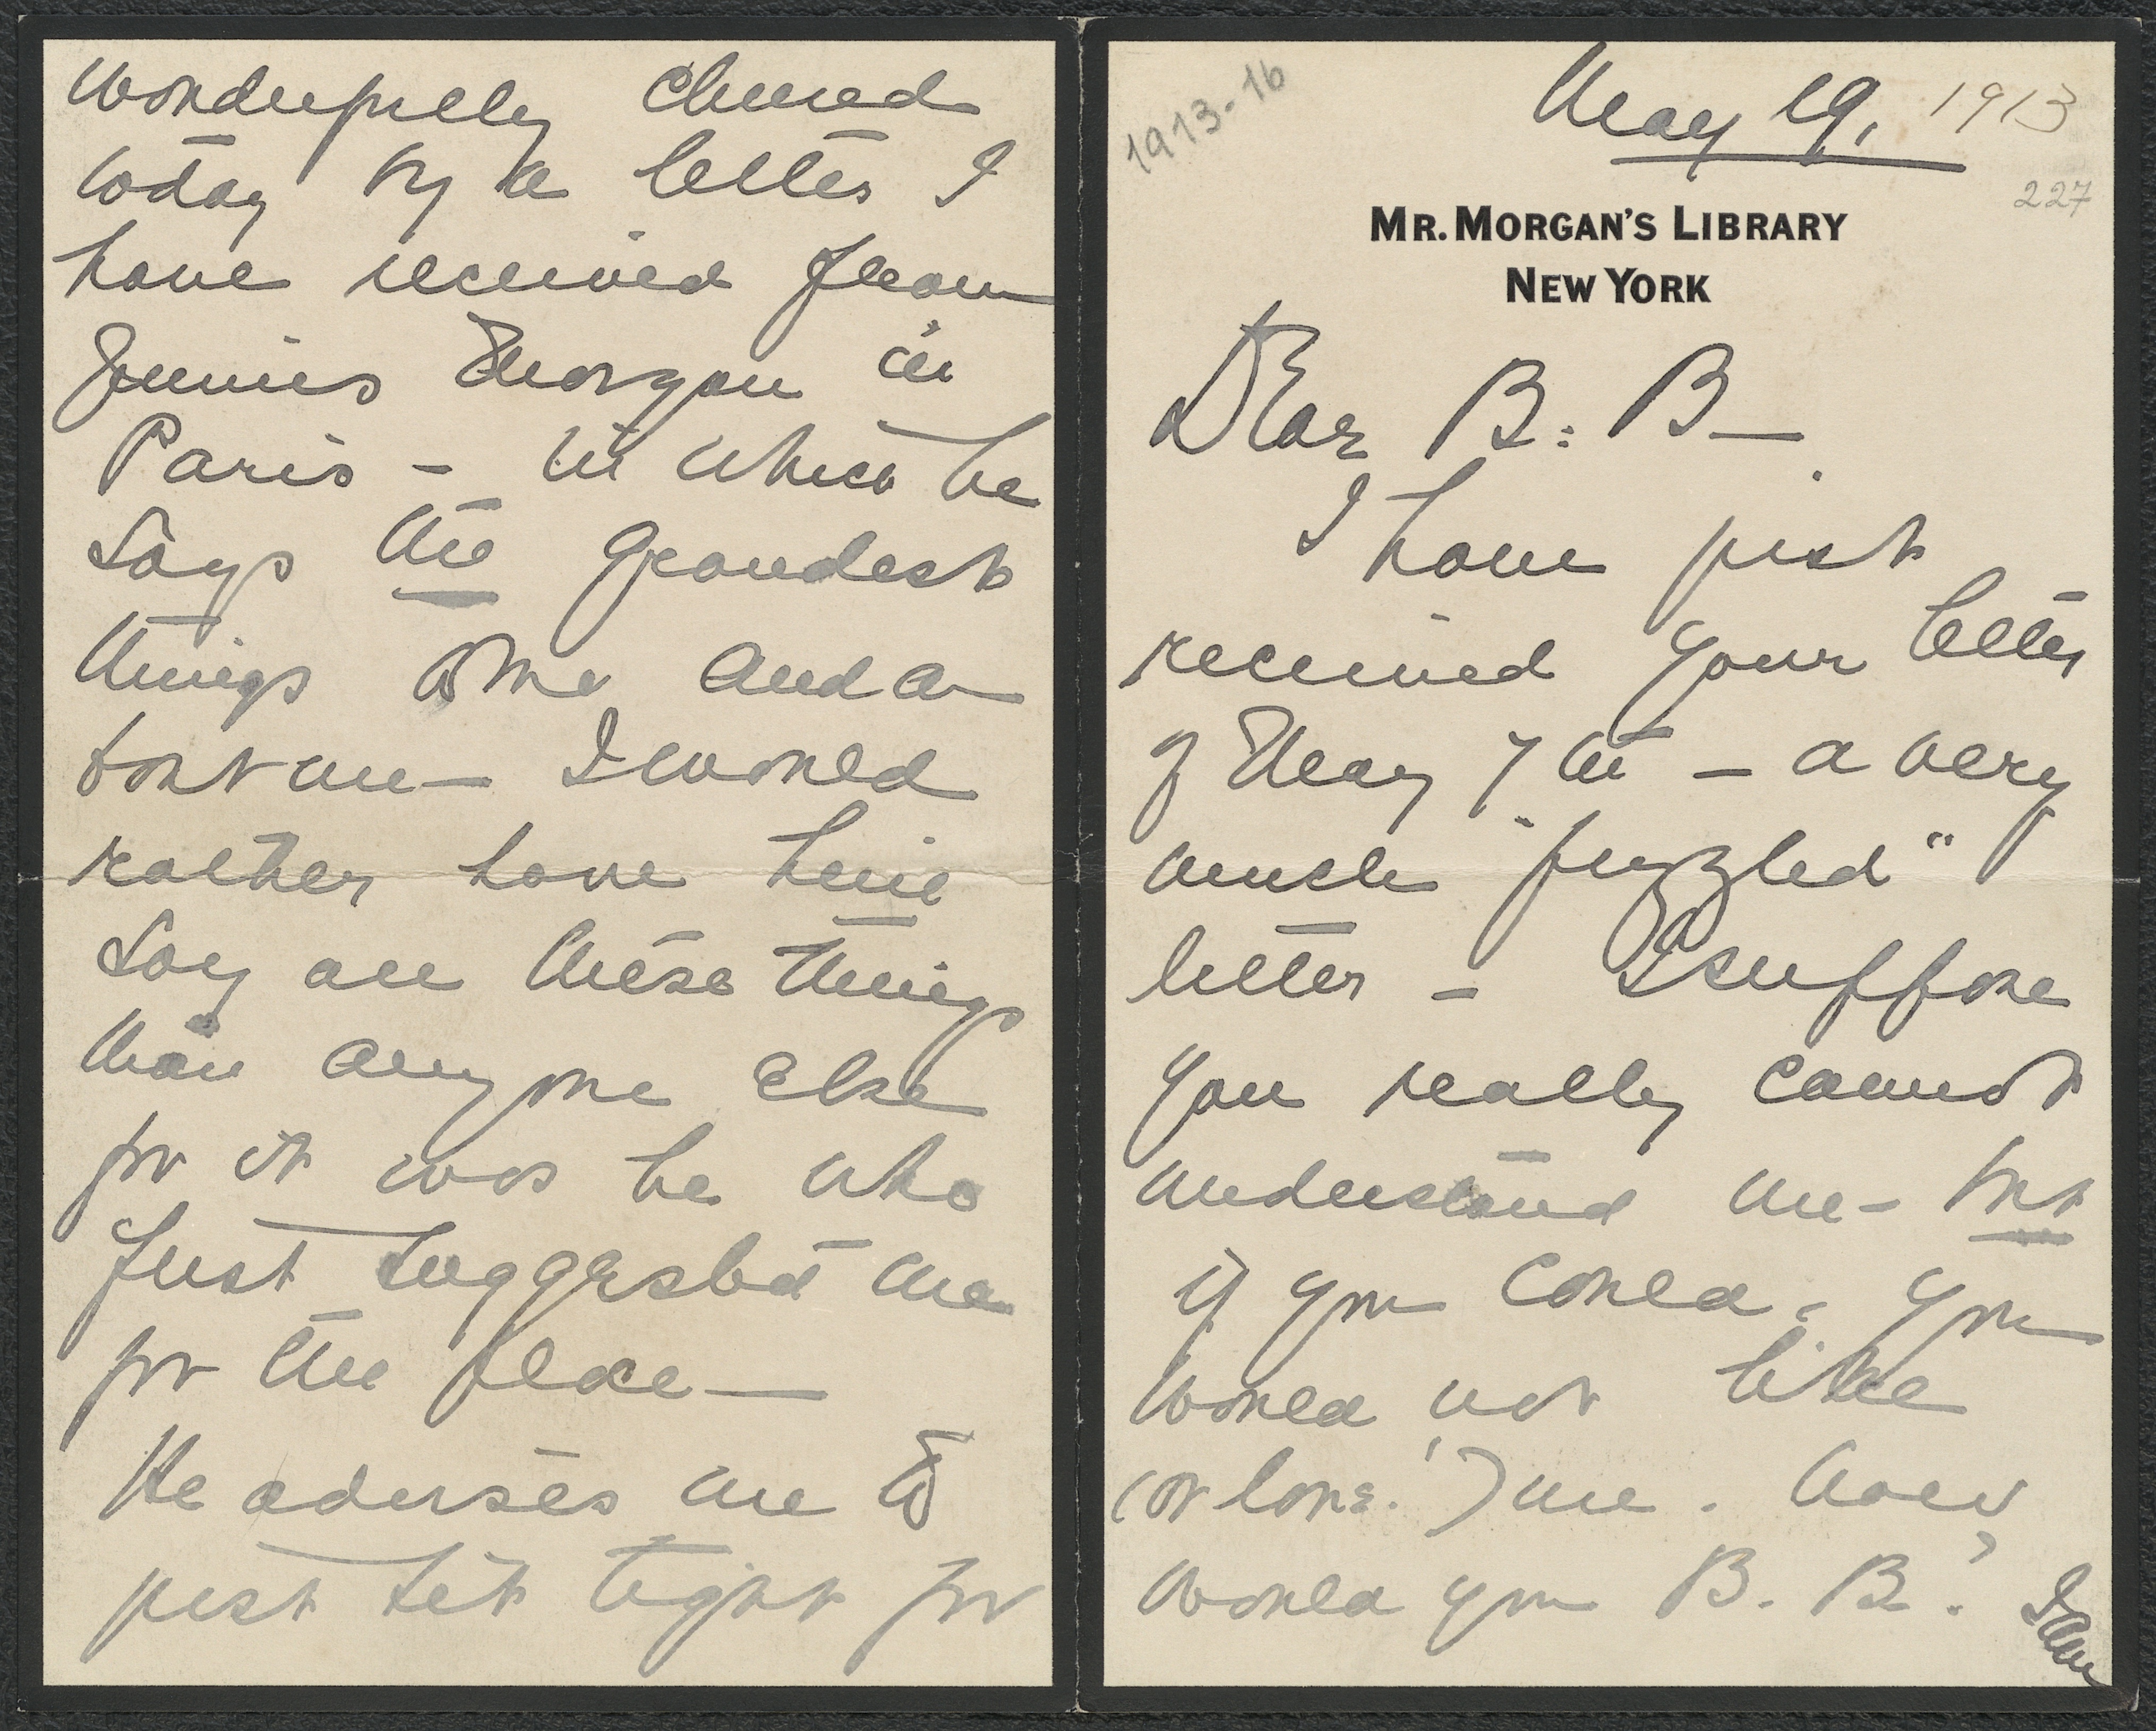May 19, 1913
Dear B. B.
I have just received your letter of May 7th – a very much “puzzled” letter – I suppose you really cannot understand me – but if you could you would not like (or love!) me. Now would you B.B.?
I am
wonderfully cheered today by a letter I have received from Junius Morgan in Paris – in which he says the grandest things to me and about me – I would rather have him say all these things than anyone else for it was he who first suggested me for the place –
He advises me to just sit tight for